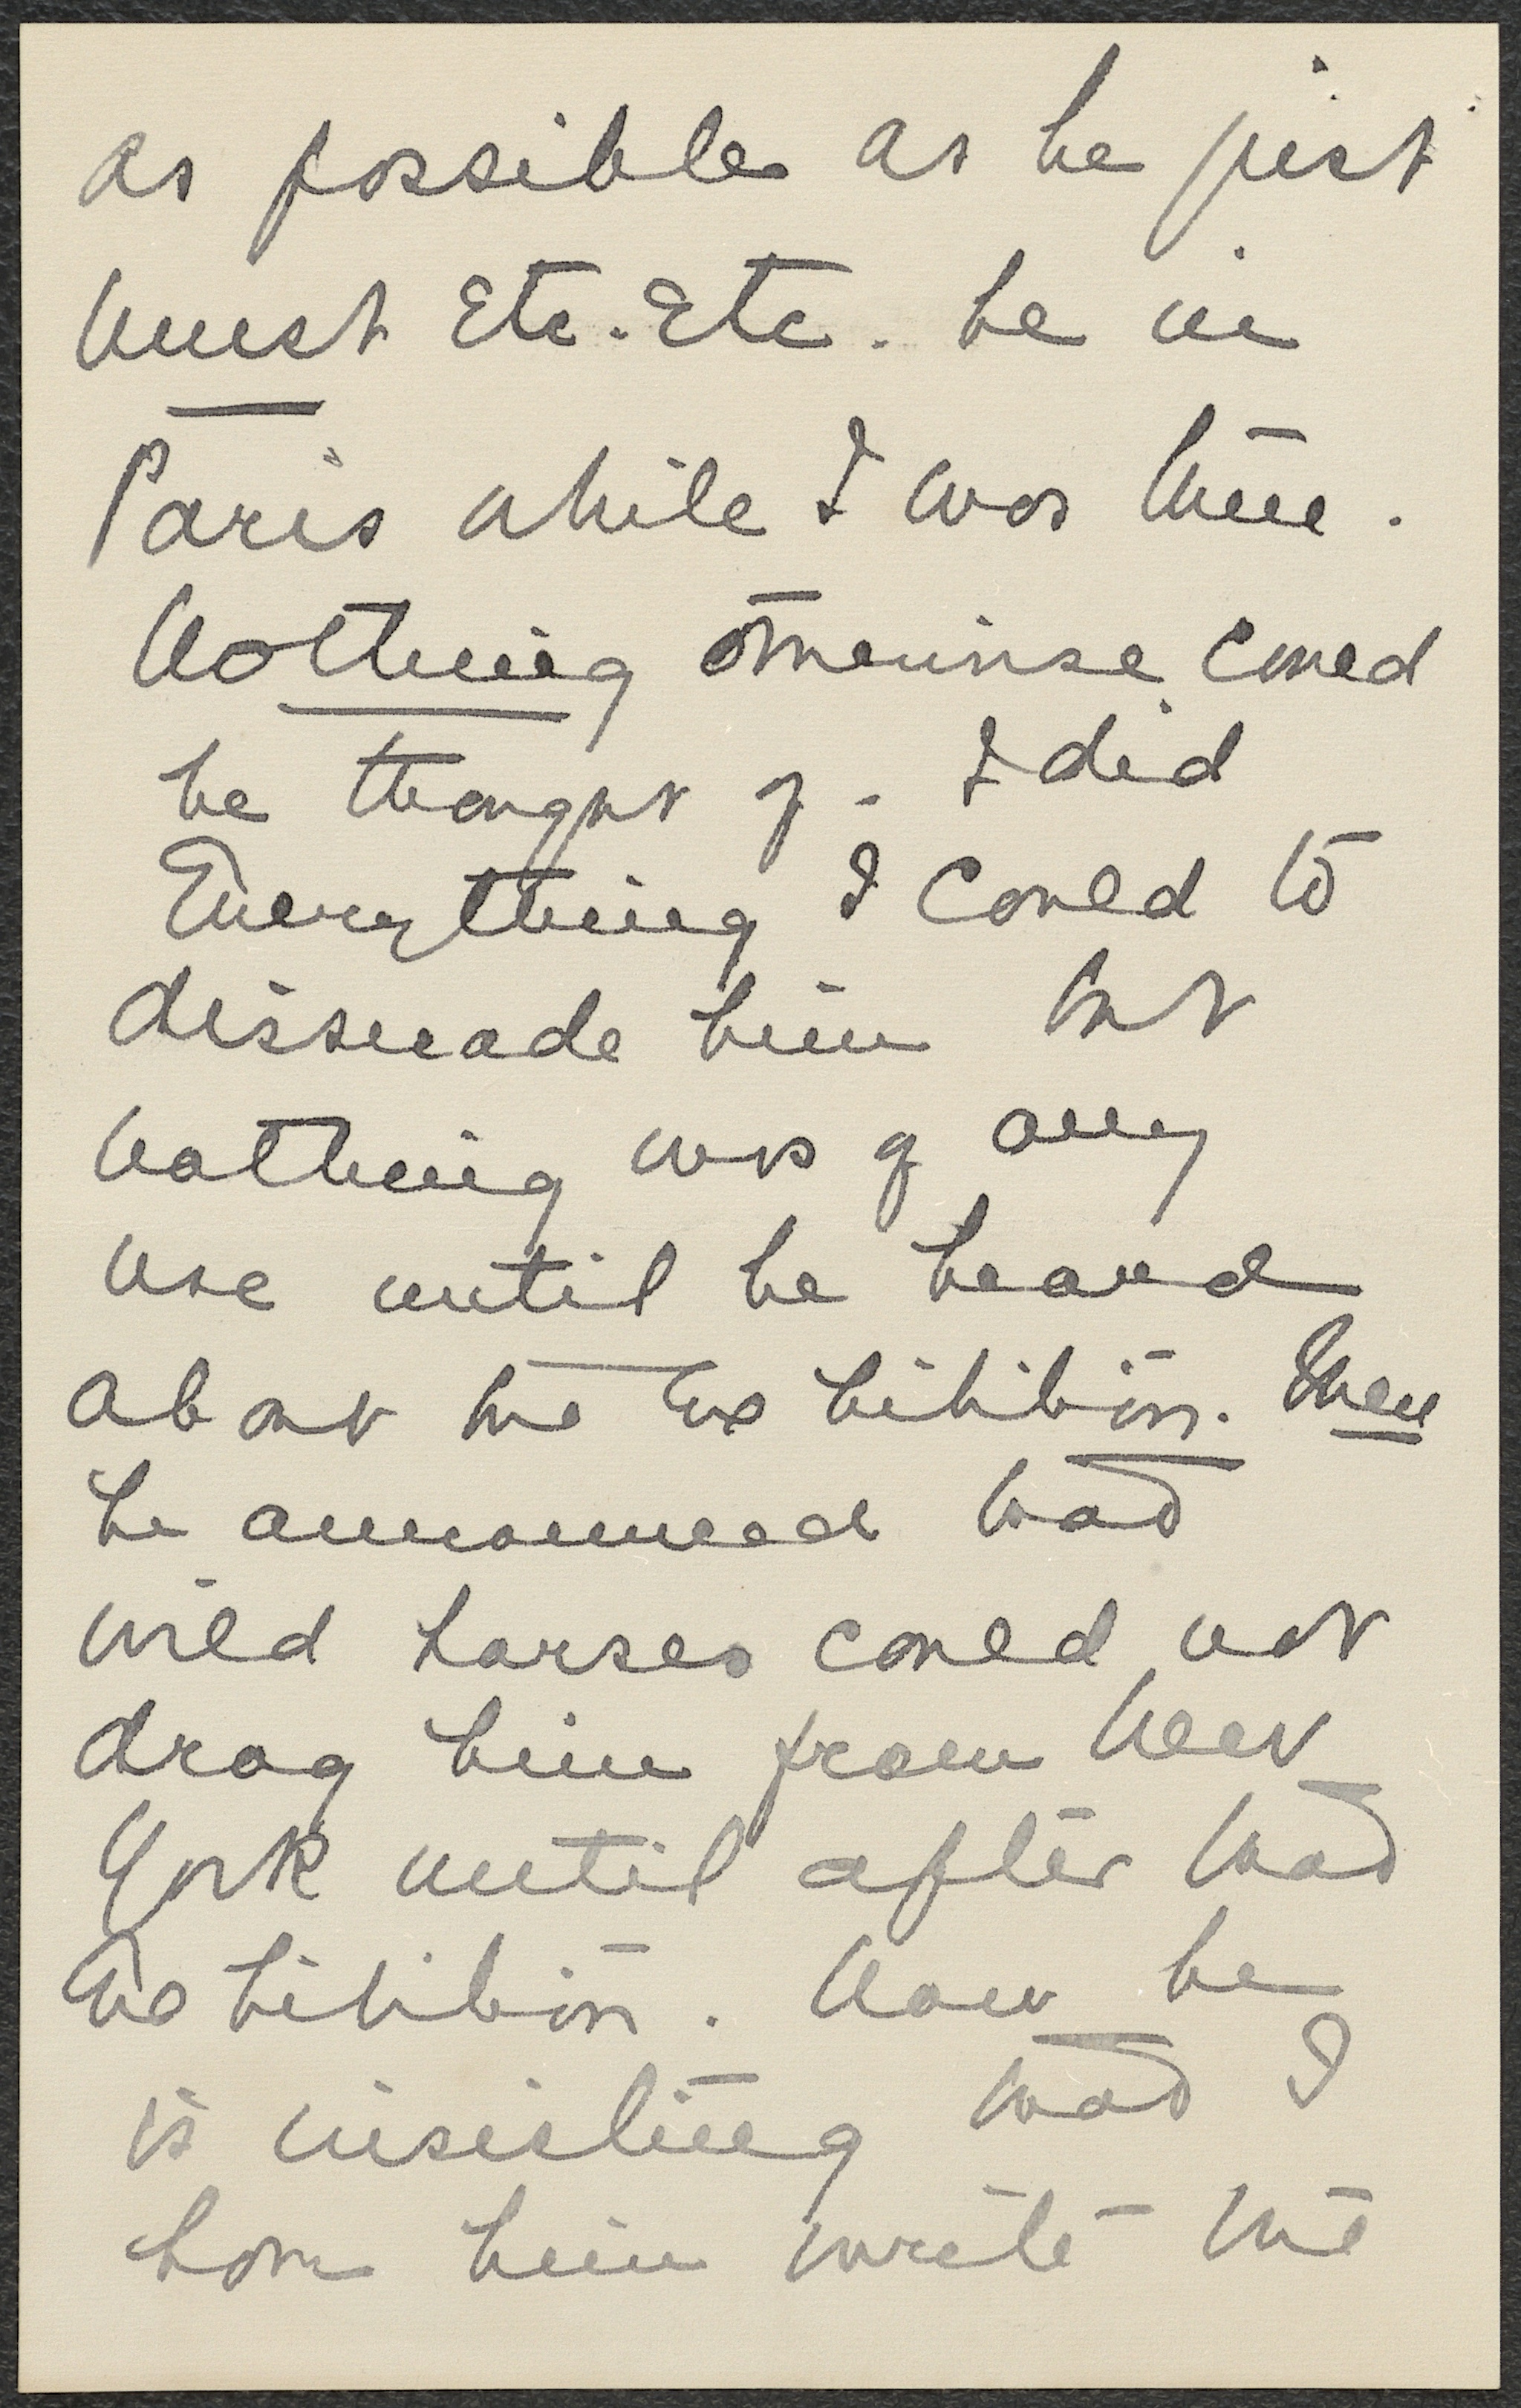as possible as he just must etc. etc. be in Paris while I was there. Nothing otherwise could be thought of. I did everything I could to dissuade him but nothing was of any use until he heard about the exhibition. Then he announced that wild horses could not drag him from New York until after that exhibition. Now he is insisting that I have him write the